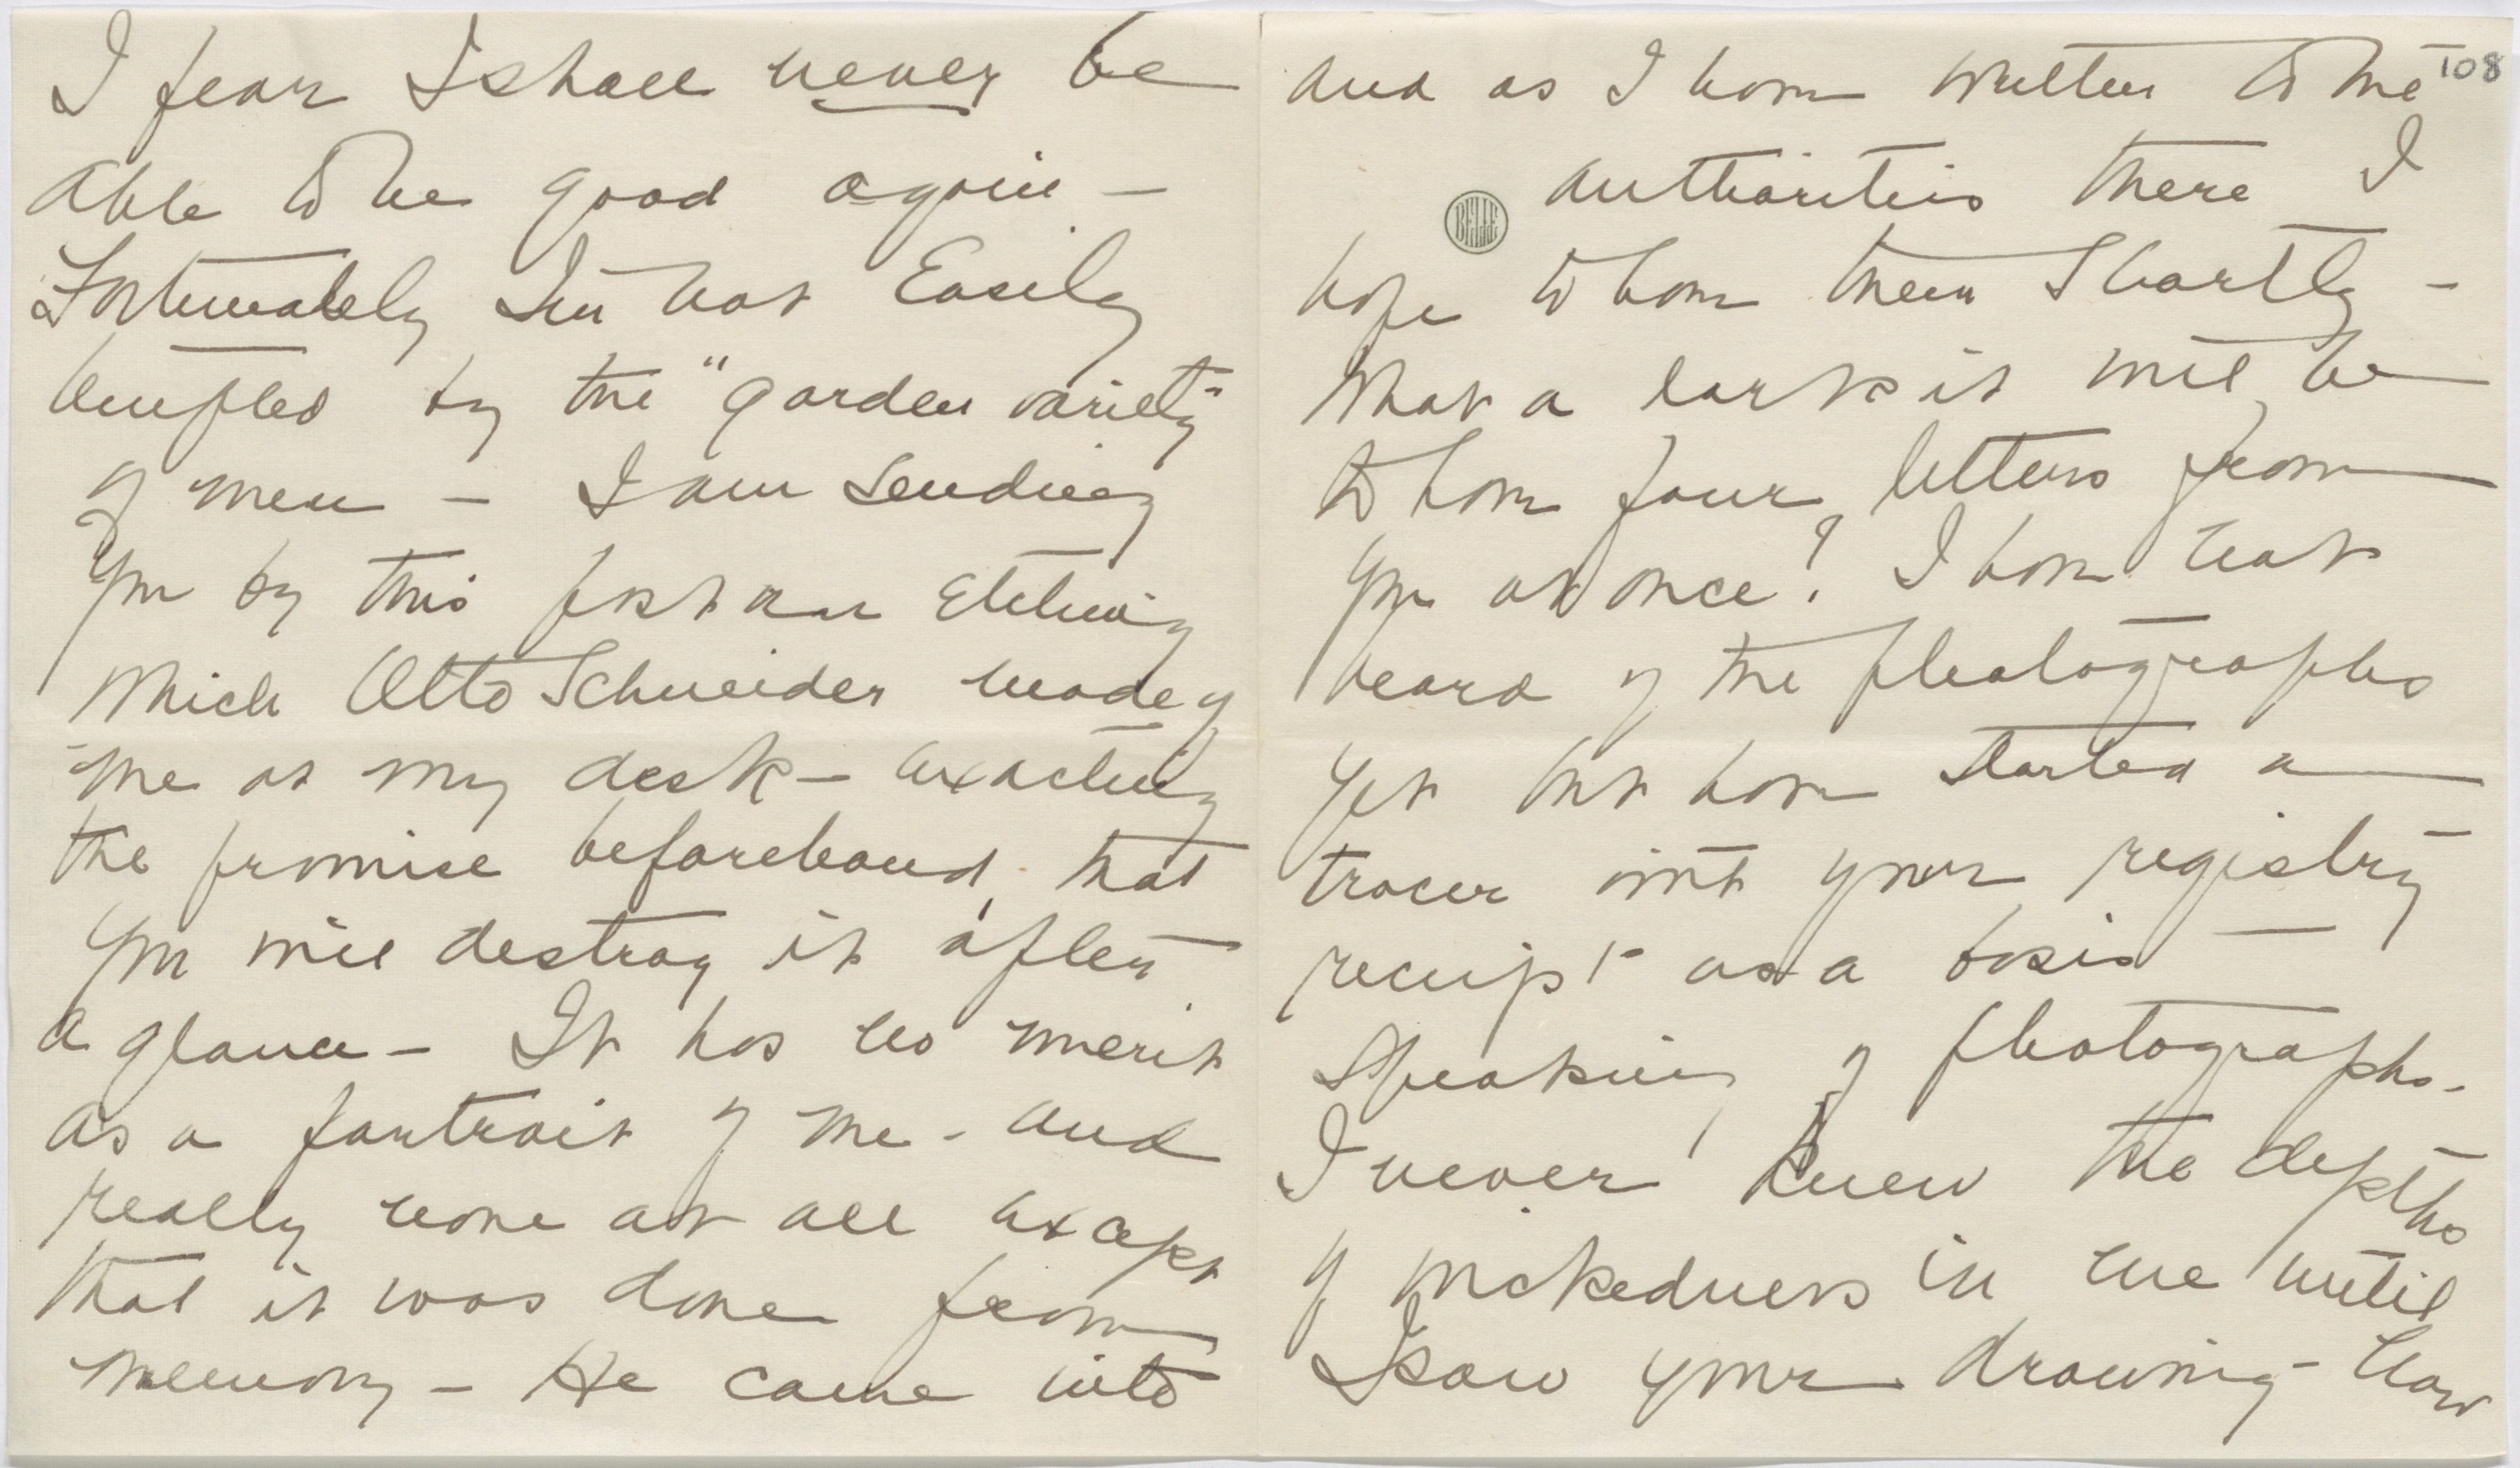and as I have written to the authorities there I hope to have them shortly – What a lark it will be to have four letters from you at once? I have not heard of the photographs yet but have started a tracer with your registry receipt as a basis – Speaking of photographs – I never knew the depths of wickedness in me until I saw your drawing – how
I fear I shall never be able to be good again – Fortunately I’m not easily tempted by the “garden variety” of men – I am sending you by this post an etching which Otto Schneider made of me at my desk – exacting the promise beforehand, that you will destroy it after a glance – It has no merit as a portrait of me – and really none at all except that it was done from memory – He came into